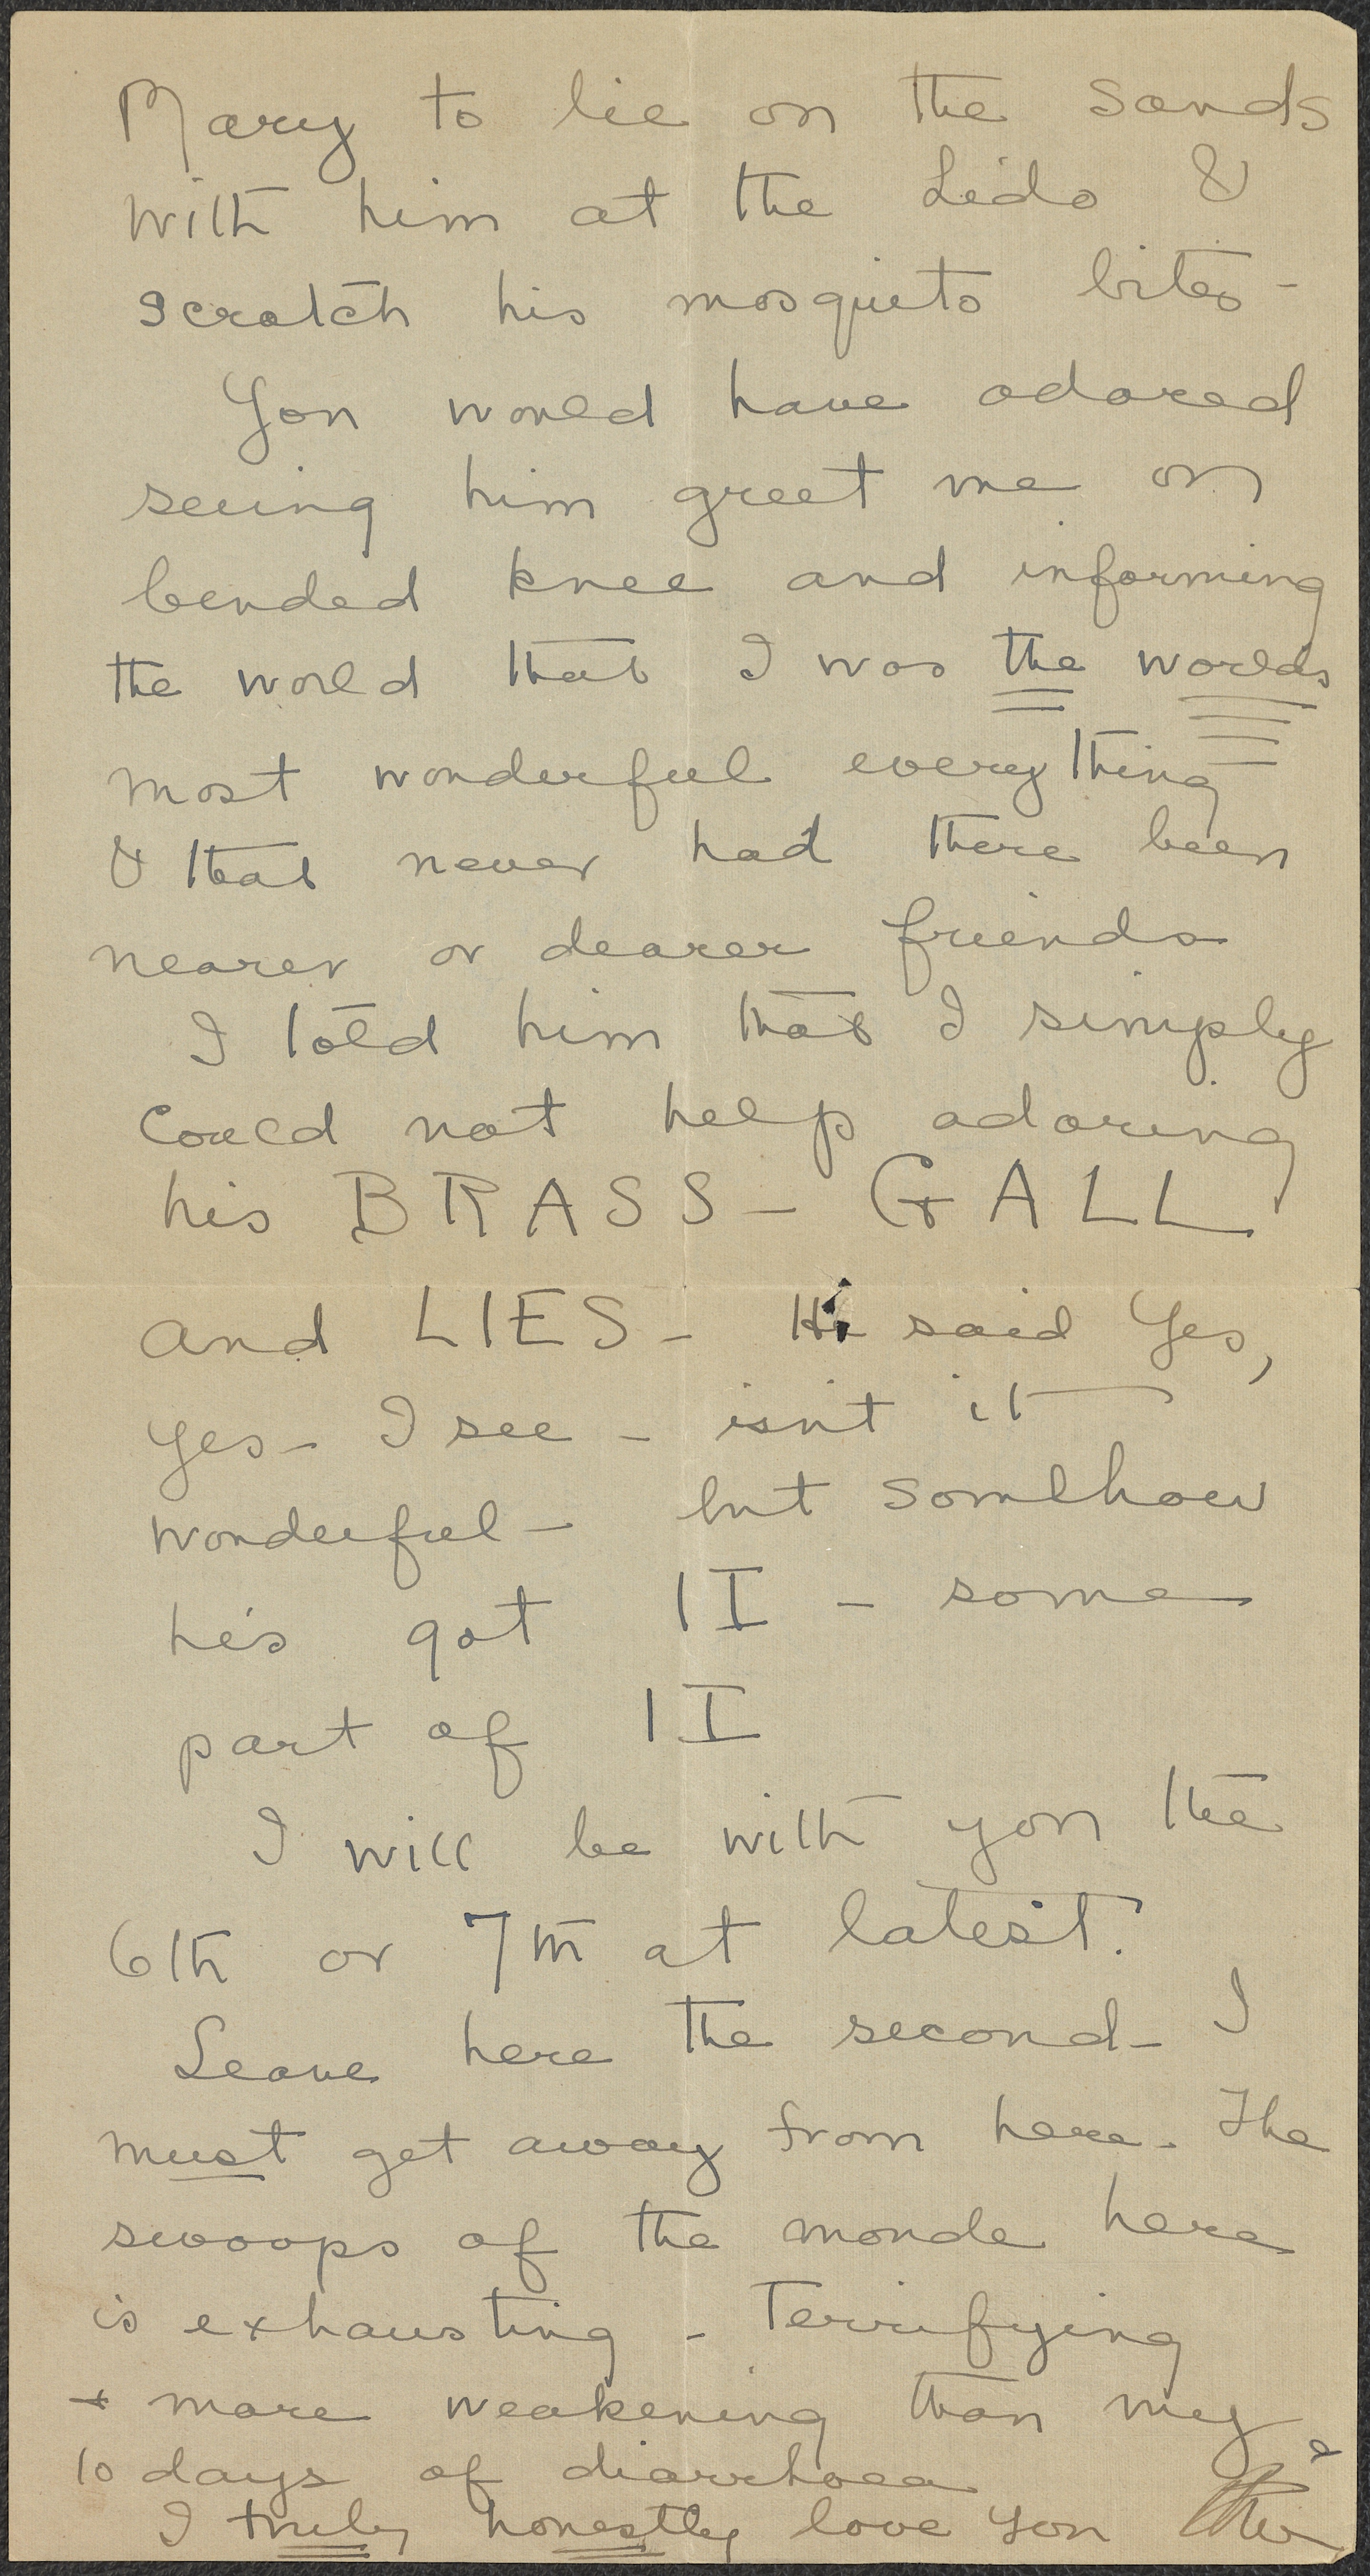Mary to lie on the sands with him at the Lido & scratch his mosquito bites –
You would have adored seeing him greet me on bended knee and informing the world that I was [Double underlined: the] [quadruple underlined: worlds] most wonderful everything & that never had there been nearer or dearer friends.
I told him that I simply could not help adoring his BRASS – GALL and LIES – He said Yes, Yes – I see – isn’t it wonderful – but somehow he’s got IT— some part of IT
I will be with you the 6th or 7th at latest.
Leave here the second – I must get away from here. The swoops of the monde here is exhausting – terrifying & more weakening than my 10 days of diarrhoea
I [double underlined: truly honestly] love you Belle